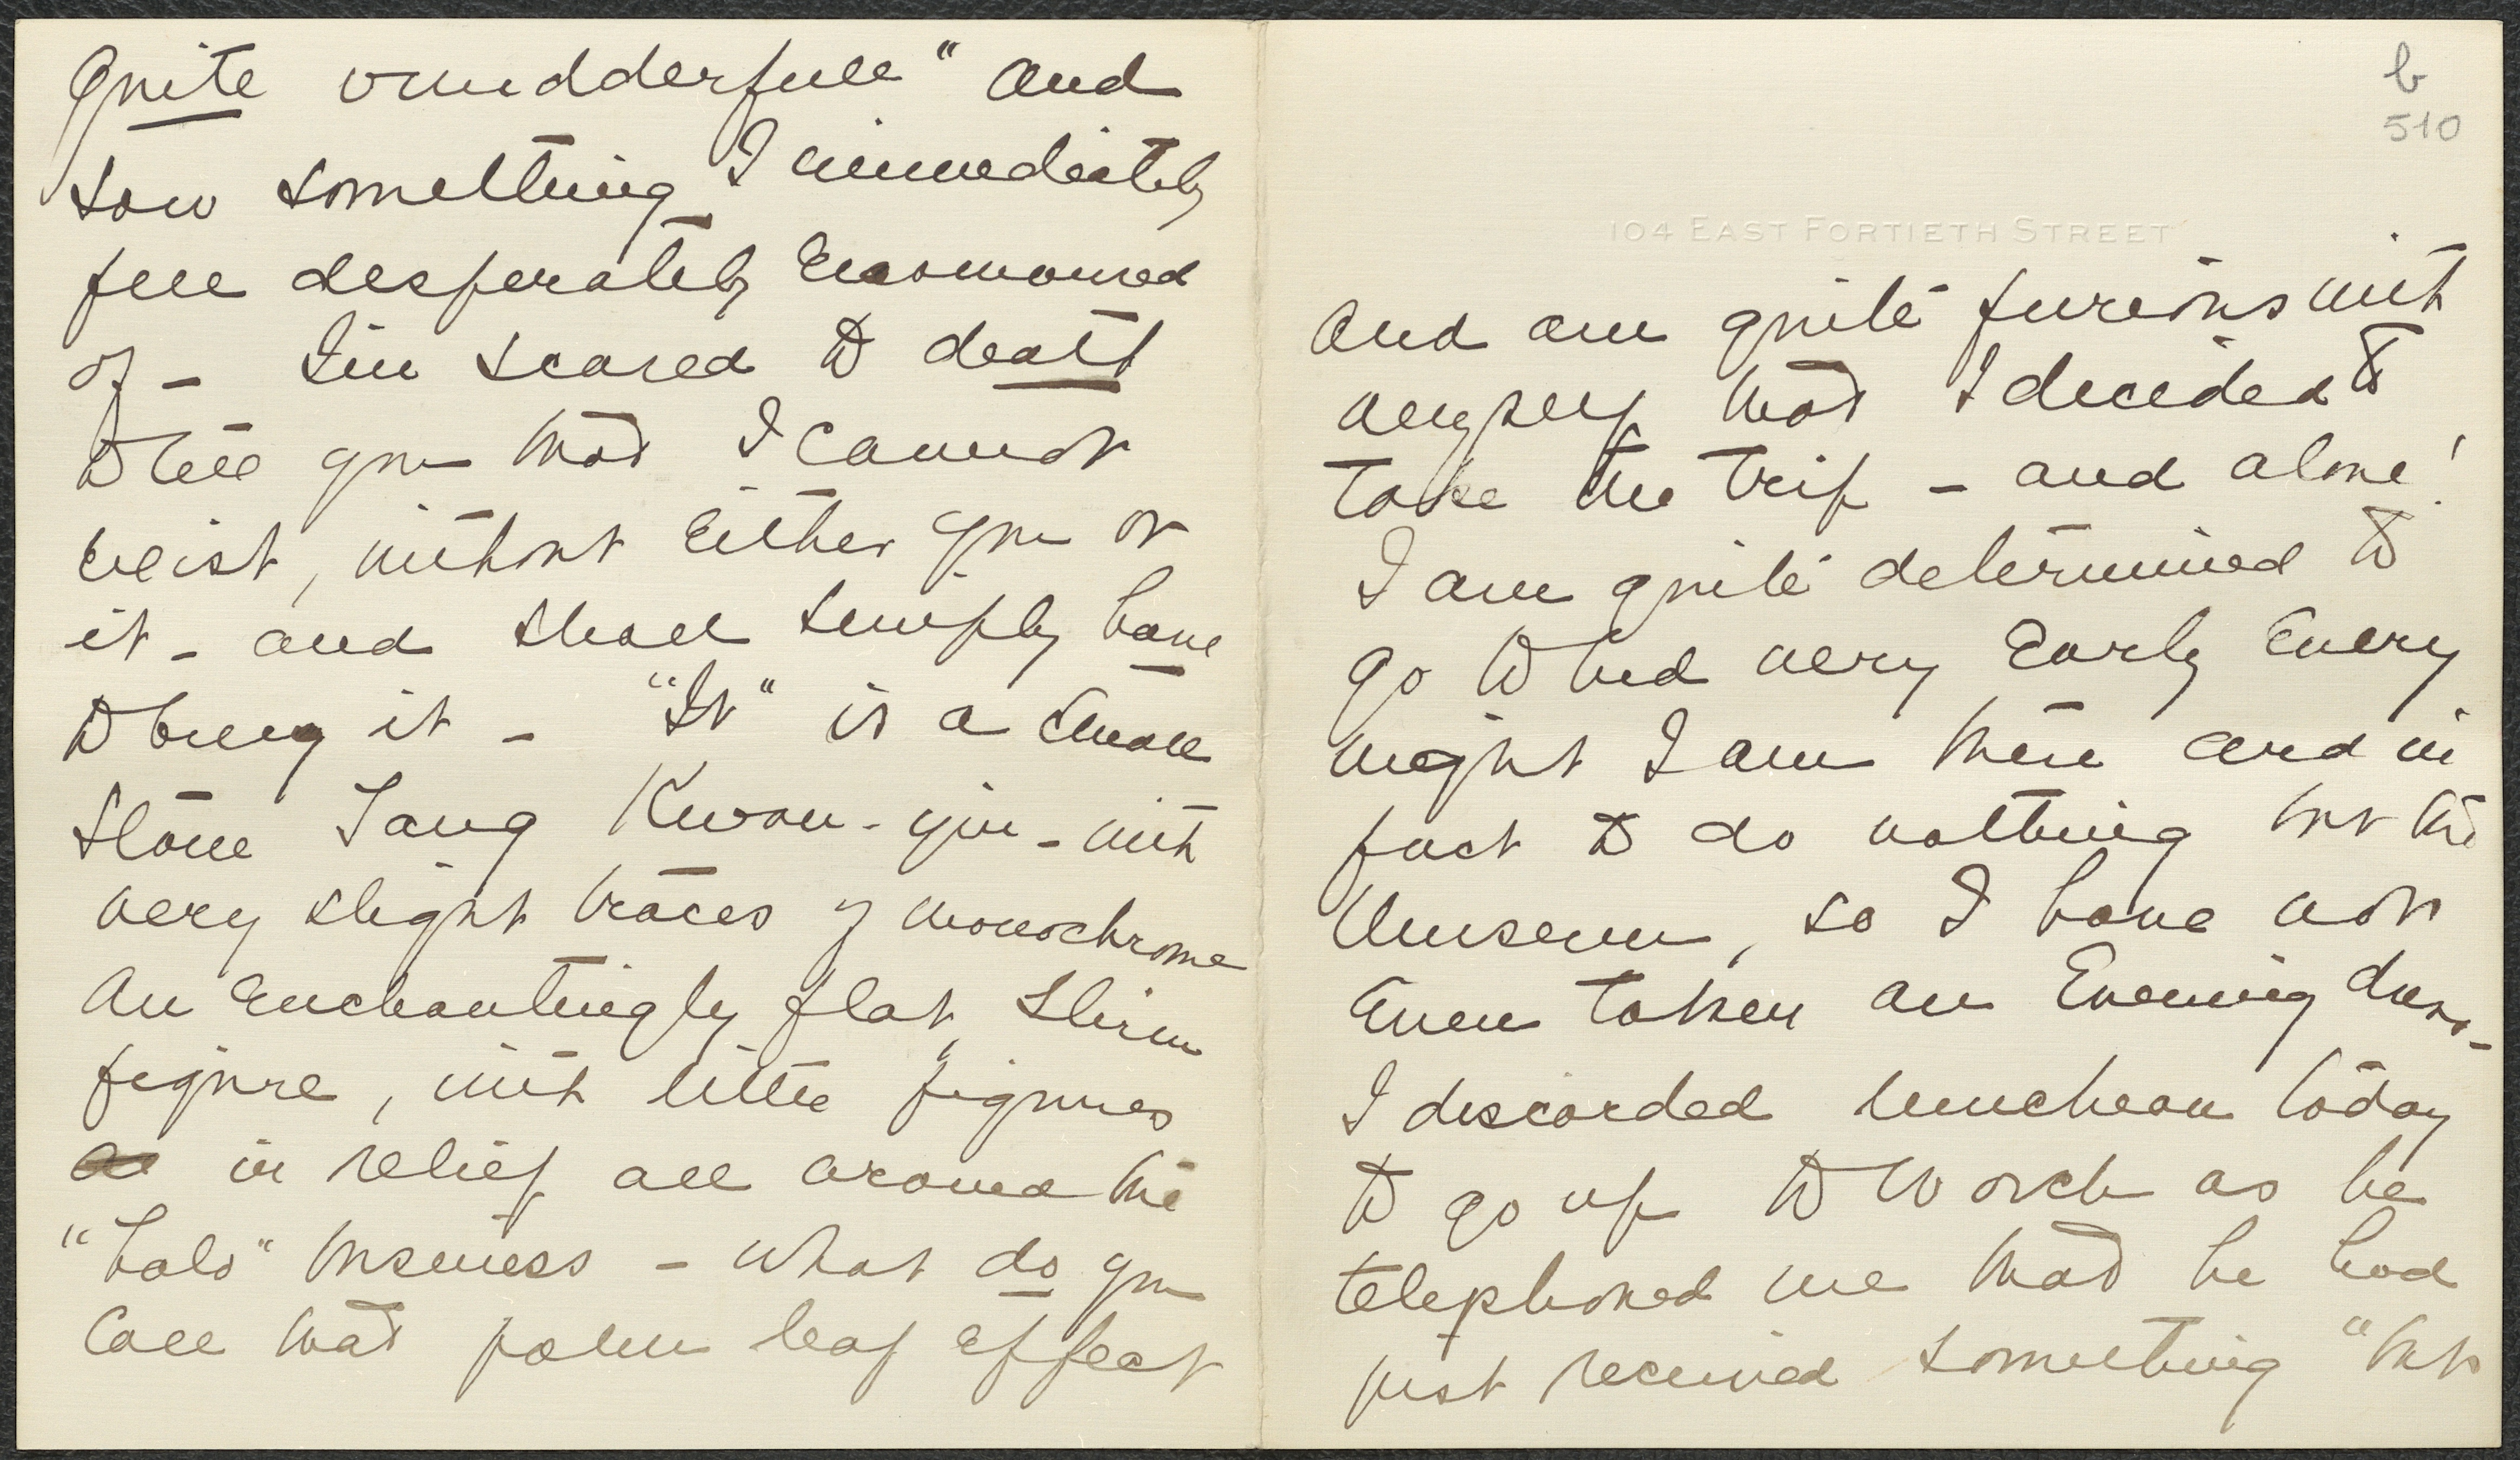and am quite furious with myself that I decided to take the trip – and alone! I am quite determined to go to bed very early every night I am there and in fact to do nothing but the Museum, so I have not even taken an evening dress – I discarded luncheon today to go up to Worch as he telephoned me that he had just received something “but
quite vunderfull [sic]” and saw something I immediately fell desperately enamoured of – I’m scared to death to tell you that I cannot exist, without either you or it – and shall simply have to buy it – “It” is a small stone Tang Kwan-yiu with very slight traces of monochrome
An enchantingly flat slim figure, with little figures a in relief all around the “halo” business – what do you call that palm leaf effect